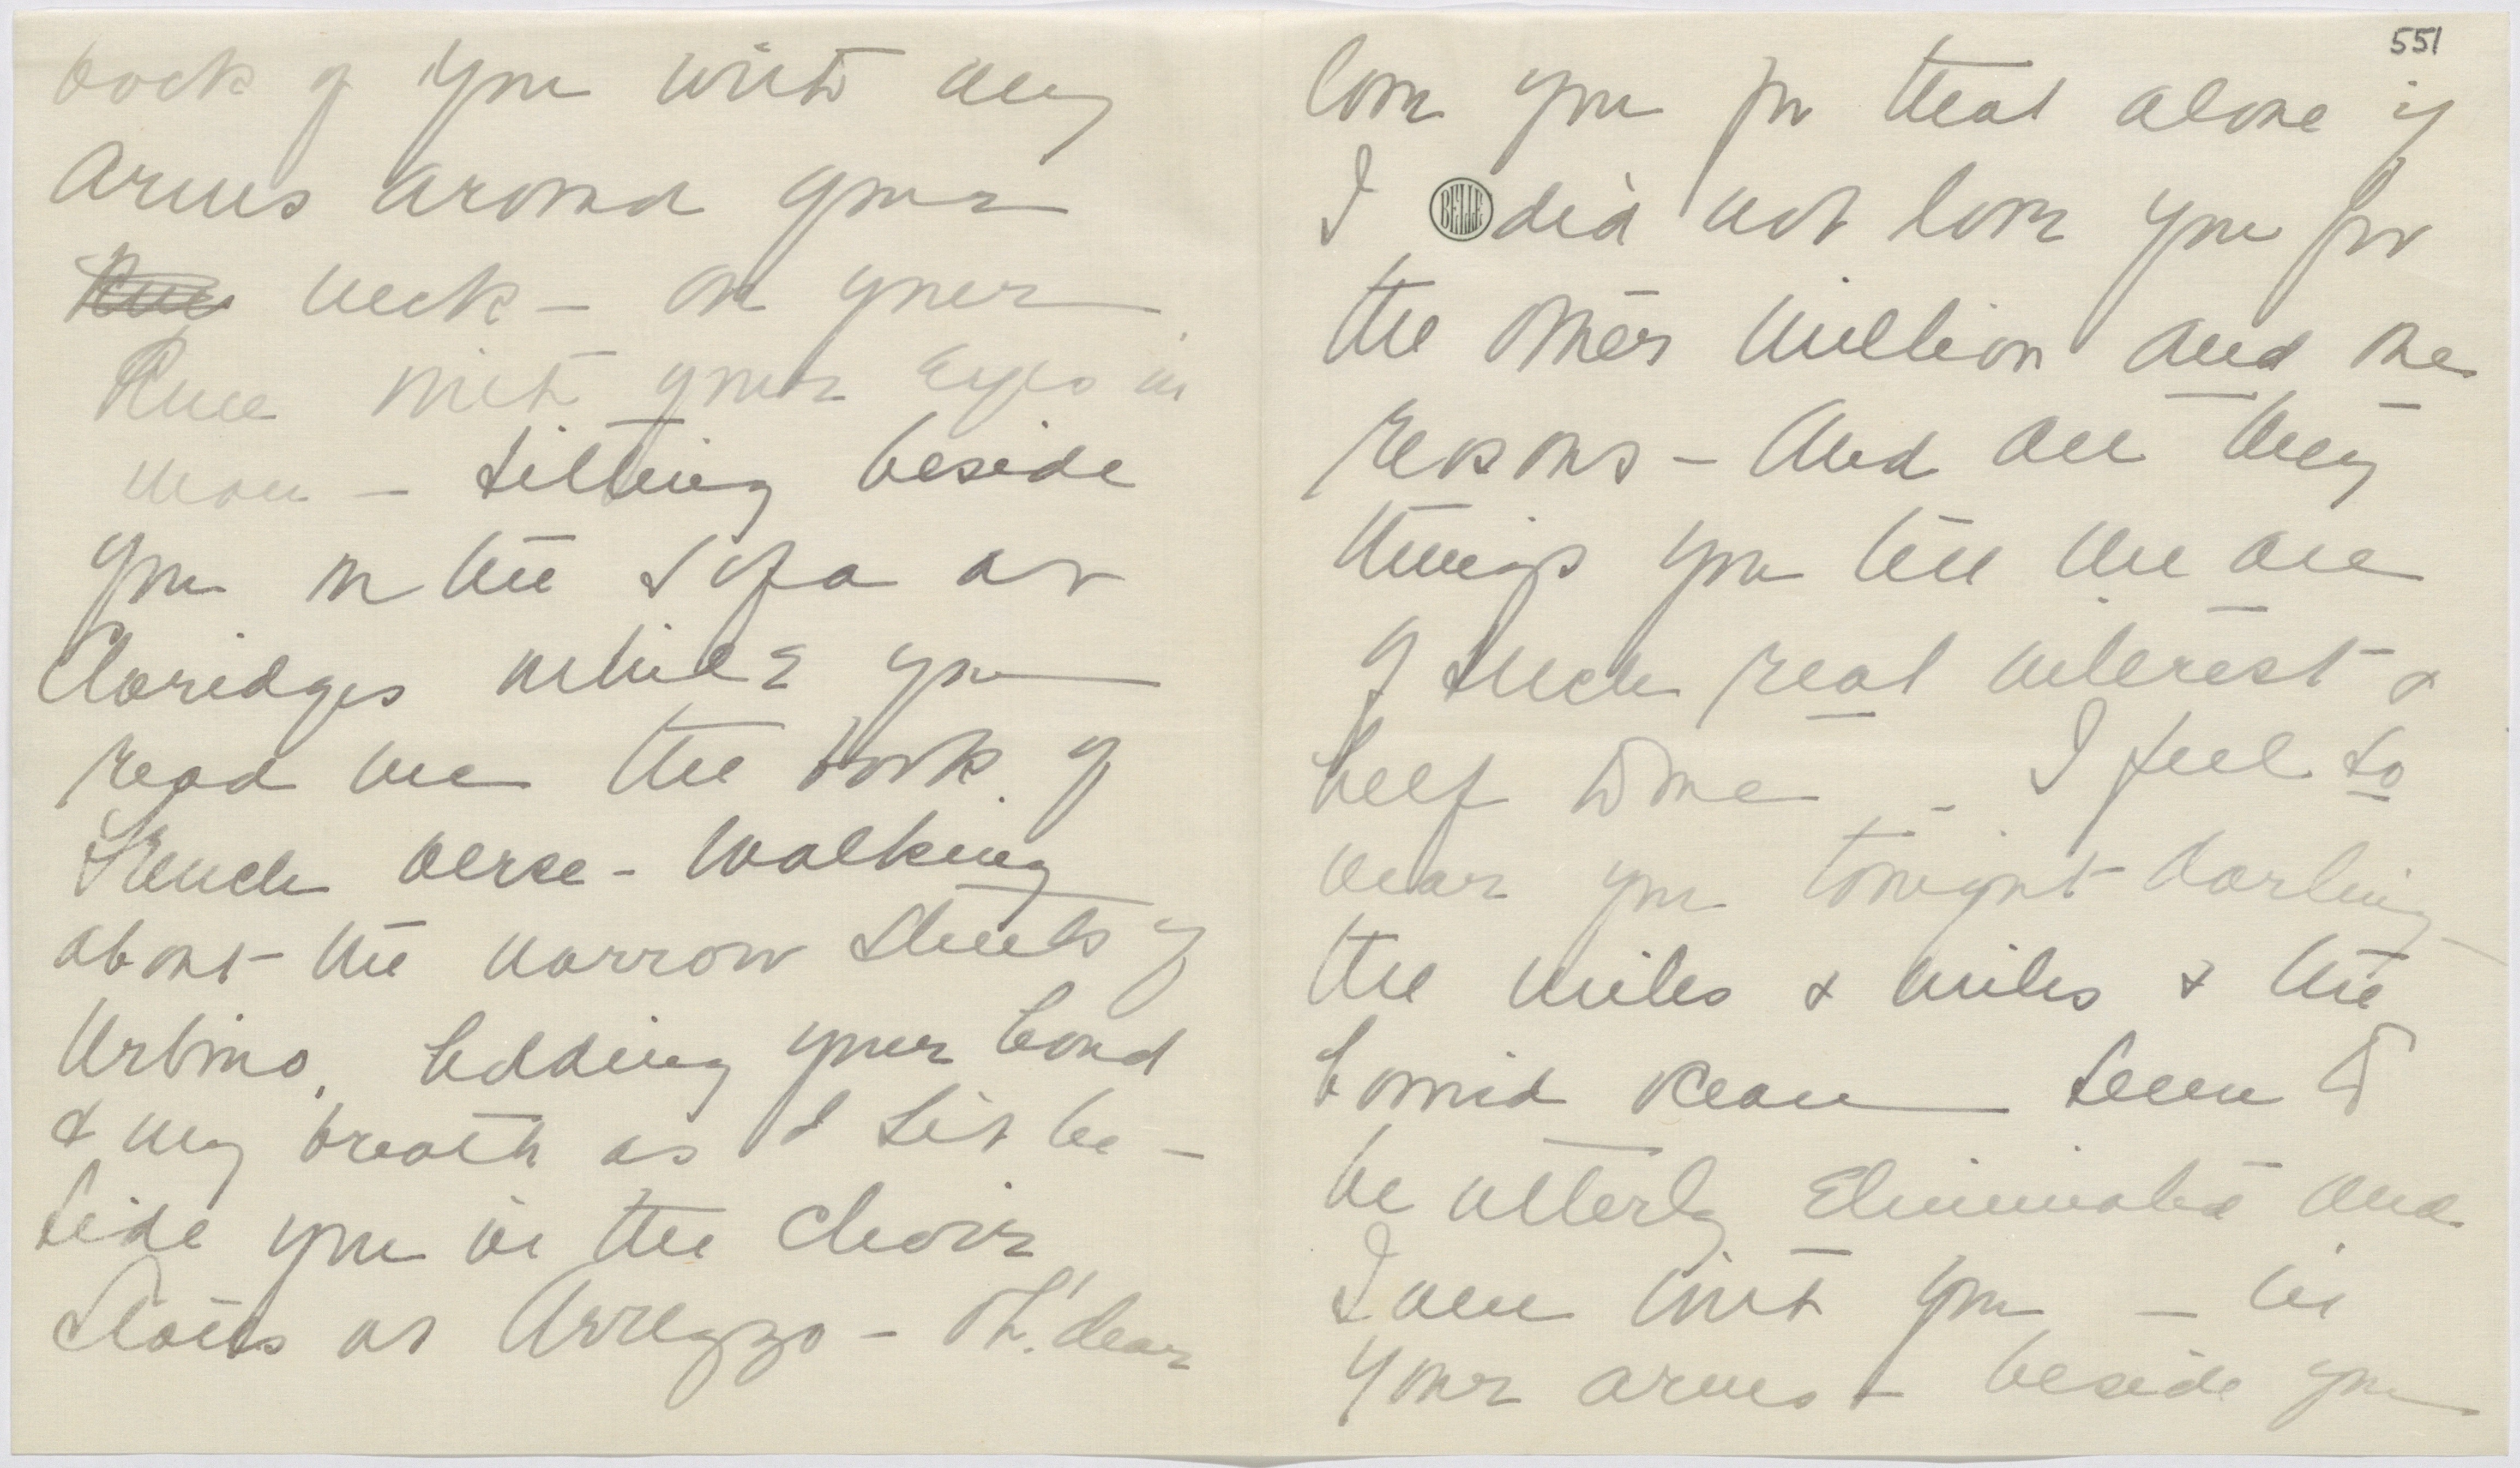love you for that alone if I did not love you for the other million and one reasons – And all they [sic] things you tell me are of such real interest & help to me – I feel so near you tonight darling – the miles & miles & the horrid ocean seem to be utterly eliminated and I am with you – in your arms – beside you
back of you with my arms around your kne neck – on your knee with your eyes in mon – sitting beside you on the sofa at Claridges while you read me the book of French verse – walking about the narrow streets of Urbino, holding your hand & my breath as I sit beside you in the choir stalls at Arrezzo [sic] – oh! dear